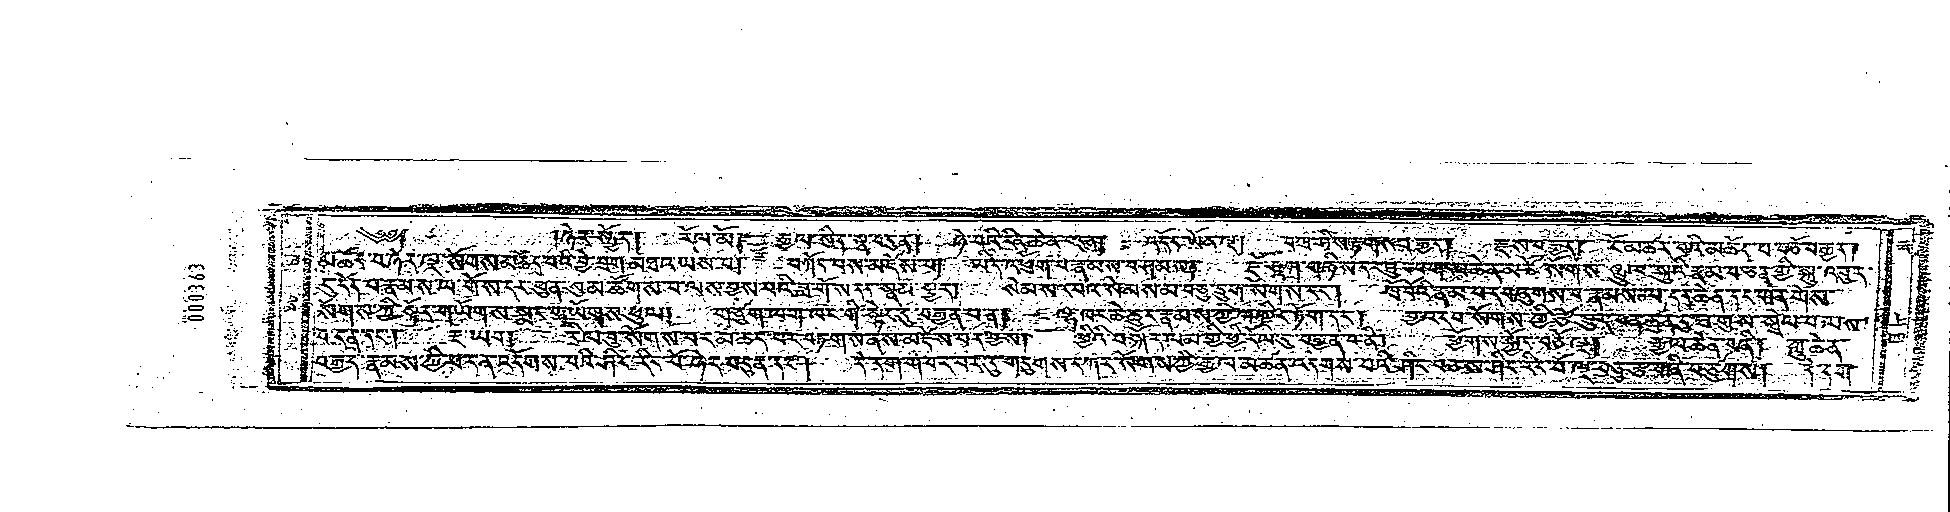༄༅། །ཉེར་སྤྱོད། རོལ་མོ། རྒྱལ་སྲིད་སྣ་བདུན། ཉེ་བའི་རིན་ཆེན་བདུན། འདོད་ཡོན་ལྔ། བཀྲ་ཤིས་རྟགས་བརྒྱད། རྫས་བརྒྱད། ངོ་མཚར་བའི་མཆོད་པ་བཅོ་བརྒྱད།
མཆོད་པ་ཉེར་ལྔ་སོགས་མཆོད་བའི་བྱེ་བྲག་མཐའ་ཡས་པ། བཀོད་པས་མཛེས་པ། ཡིད་འཕྲོག་པ་རྣམས་བཤམས། ཇོ་ཤཱཀ་གཉིས་དང་ཐུབ་བ་གངས་ཆེན་མཚོ་སོགས་སྤྲུལ་སྐུའི་རྣམ་པ་ཅན་གྱི་སྐུ་འབུར་
དུ་དོད་པ་རྣམས་ལ་གོས་དར་ཕུན་སུམ་ཚོགས་བ་ལས་བྱས་བའི་བླ་གོས་དང་སྣམ་སྦྱར། སེམས་དཔའ་སེམས་མ་བཅུ་དྲུག་སོགས་དང་། ཁྲོ་བོའི་རྣམ་པར་བཞུགས་བ་རྣམས་ལ་དར་ཆེན་དང་གན་གོས་
སོགས་ཀྱི་སྟོད་གཡོགས་སྨད་གཡོགས་ཕུལ། གཙུག་ལག་ཁང་གི་སྟེང་དུ་བརྒྱན་བ་ན། ལྷ་ཁང་ཆེ་ཆུང་རྣམས་ཀྱི་ཀཉྫིར་ཏོག་དང་། བྱ་འདབ་སོགས་ཀྱི་རྩེ་ཟུར་ཕན་ཚུན་དུ་ཐ་གུས་སྦྲེལ་བ་ལས་
བ་དན་དང་། རྔ་ཡབ། དྲིལ་བུ་སོགས་བར་མ་ཆད་པར་བཏགས་ནས་མཛེས་བར་བྱས། ཕྱིའི་བསྐོར་ལམ་གྱི་ཕྱི་རོལ་དུ་བརྒྱན་བ་ནི། ཕྱོགས་སྐྱོད་བཅོ་ལྔ། རྒྱལ་ཆེན་བཞི། ཀླུ་ཆེན་
བརྒྱད་རྣམས་ཀྱི་བ་དན་འདོགས་པའི་ཤིང་རིང་པོ་ཉེར་བདུན་དང་། དེ་དག་གི་བར་བར་དུ་གདུགས་དཀར་སོགས་ཀྱི་རྒྱལ་མཚན་འདེགས་པའི་ཤིང་བཅས་ཤིང་རིང་པོ་ལྔ་བཅུ་རྩ་བཞི་བཙུགས། དེ་དག་